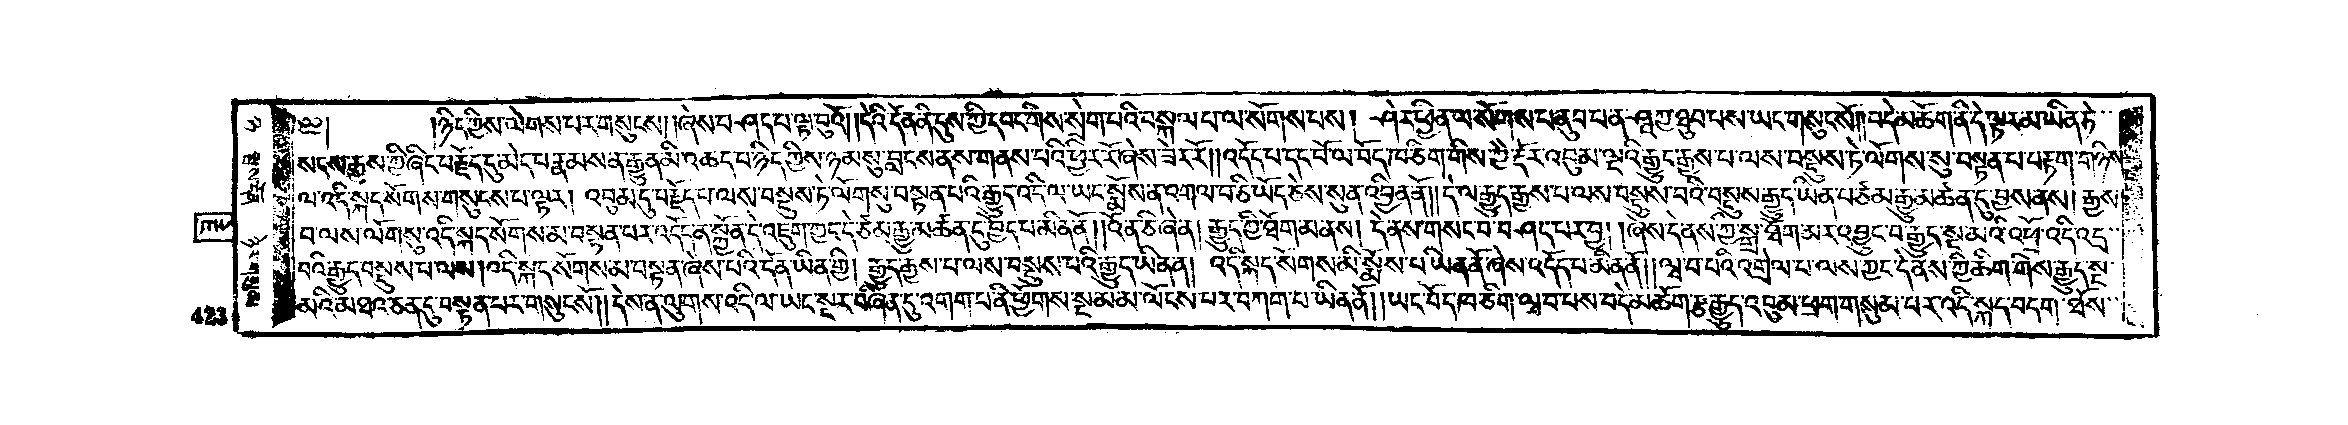༄༅། །ཉིད་ཀྱིས་ལེགས་པར་གསུངས། །ཞེས་བཤད་པ་ལྟ་བུའོ། །དེའི་དོན་ནི་དུས་ཀྱི་དབང་གིས་སྲེག་པའི་བསྐལ་པ་ལ་སོགས་པས། ཤེར་ཕྱིན་ལ་སོགས་པ་ནུབ་པ་ན་ཤཱཀྱ་ཐུབ་པས་ཡང་གསུངས་སོ། །བདེ་མཆོག་ནི་དེ་ལྟར་མ་ཡིན་ཏེ་
སངས་རྒྱས་ཀྱི་ཞིང་བརྗོད་དུ་མེད་པ་རྣམས་ནི་རྒྱུན་མི་འཆད་པ་ཉིད་ཀྱིས་ཉམས་སུ་བླངས་ནས་གནས་པའི་ཕྱིར་རོ་ཞེས་ཟེར་རོ། །འདོད་པ་དང་པོ་ལ་བོད་ཁ་ཅིག་གིས་ཀྱཻ་རྡོར་འབུམ་ལྔའི་རྒྱུད་རྒྱས་པ་ལས་བསྡུས་ཏེ་ལོགས་སུ་བསྟན་པ་བརྟག་གཉིས་
ལ་འདི་སྐད་སོགས་གསུངས་པ་ལྟར། འབུམ་དུ་བརྗོད་པ་ལས་བསྡུས་ཏེ་ལོགས་སུ་བསྟན་པའི་རྒྱུད་འདི་ལ་ཡང་སྨོས་ན་འགལ་བ་ཅི་ཡོད་ཅེས་སུན་འབྱིན་ནོ། །དེ་ལ་རྒྱུད་རྒྱས་པ་ལས་བསྡུས་བའི་བསྡུས་རྒྱུད་ཡིན་པ་ཙམ་རྒྱུ་མཚན་དུ་བྱས་ནས། རྒྱས་
བ་ལས་ལོགས་སུ་འདི་སྐད་སོགས་མ་བསྟན་པར་འདོད་ན་སྐྱོན་དེ་འཇུག་ཀྱང་དེ་ཙམ་རྒྱུ་མཚན་དུ་བྱེད་པ་མིན་ནོ། །འོ་ན་ཅི་ཞེན། རྒྱུད་ཀྱི་ཐོག་མ་ནས། དེ་ནས་གསང་བ་བཤད་པར་བྱ། །ཞེས་དེ་ནས་ཀྱི་སྒྲ་ཐོག་མར་འབྱུང་བ་རྒྱུད་སྔ་མའི་འཕྲོ་འདི་འདྲ་
བའི་རྒྱུད་བསྡུས་པ་ལས། འདི་སྐད་སོགས་མ་བསྟན་ཞེས་པའི་དོན་ཡིན་གྱི། རྒྱུད་རྒྱས་པ་ལས་བསྡུས་པའི་རྒྱུད་ཡིན་ན། འདི་སྐད་སོགས་མི་སྨོས་པ་ཡིན་ནོ་ཞེས་འདོད་པ་མིན་ནོ། །ལྭ་བ་པའི་འགྲེལ་པ་ལས་ཀྱང་དེ་ནས་ཀྱི་ཚིག་གིས་རྒྱུད་སྔ་
མའི་མཐའ་ཅན་དུ་བསྟན་པར་གསུངས་སོ། །དེས་ན་ལུགས་འདི་ལ་ཡང་སྔར་བཞིན་དུ་འགག་པ་ནི་ཕྱོགས་སྔ་མ་མ་ལོངས་པར་བཀག་པ་ཡིན་ནོ། །ཡང་བོད་ཁ་ཅིག་ལྭ་བ་པས་བདེ་མཆོག་རྩ་རྒྱུད་འབུམ་ཕྲག་གསུམ་པར་འདི་སྐད་བདག་ཐོས་